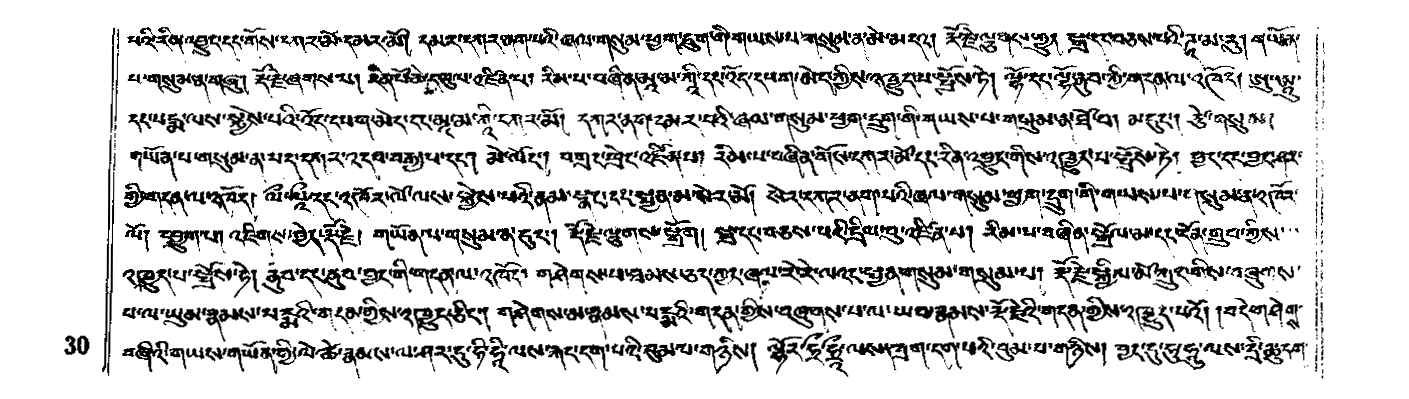པའི་རིན་འབྱུང་དང་གོས་དཀར་མོ་དམར་མོ། དམར་དཀར་ནག་པའི་ཞལ་གསུམ་ཕྱག་དྲུག་གི་གཡས་པ་གསུམ་ན་མེ་མདའ། རྡོ་རྗེ་ལྕགས་ཀྱུ། སྒྲ་དང་བཅས་པའི་ཌཱ་མ་རུ། གཡོན་
པ་གསུམ་ན་གཞུ། རྡོ་རྗེ་ཞགས་པ། རིན་པོ་ཆེ་ཆད?་ཡུལ་འཛིན་པ། རིམ་པ་བཞིན་མཱ་མ་ཀཱི་དང་འོད་དཔག་མེད་ཀྱིས་འཁྱུད་པ་སྤྲོས་ཏེ། ལྷོ་དང་ལྷོ་ནུབ་ཀྱི་གདན་ལ་འཁོང་། ཨུ་ཨཱུ་
དང་པདམ་ལས་སྐྱེས་པའི་འོད་དཔག་མེད་དང་མཱ་མ་ཀཱི་དཀར་མོ། དཀར་ནག་དམར་བའི་ཞལ་གསུམ་ཕྱག་དྲུག་གི་གཡས་པ་གསུམ་ན་ཐོ་བ། མདུང་། རྩེ་གསུམ།
གཡོན་པ་གསུམ་ན་པད་དཀར་འདབ་བརྒྱ་པ་དང་། མེ་ལོང་། བགྲང་ཕྲེང་འཛིན་པ། རིམ་པ་བཞིན་གོས་དཀར་མོ་དང་རིན་འབྱུང་གིས་འཁྱུད་པ་སྤྲོས་ཏེ། བྱང་དང་བྱང་ཤར་
གྱི་གདན་ལ་འཁོད། ལྀ་ལཱྀ་དང་འཁོར་ལོ་ལས་སྐྱེས་པའི་རྣམ་སྣང་དང་སྤྱན་མ་སེར་མོ། སེར་དཀར་ནག་པའི་ཞལ་གསུམ་ཕྱག་དྲུག་གི་གཡས་པ་གསུམ་ན་འཁོར་
ལོ། དབྱུག་པ། འཇིགས་བྱེད་རྡོ་རྗེ། གཡོན་ལ་གསུམ་ན་དུང་། རྡོ་རྗེ་ལྕགས་སྒྲོག། སྒྲ་དང་བཅས་པའི་དྲིལ་བུ་འཛིན་པ། རིམ་པ་བཞིན་སྒྲོལ་མ་དང་དོན་གྲུབ་ཀྱིས་
འཁྱུད་པ་སྤྲོས་ཏེ། ནུབ་དང་ནུབ་བྱང་གི་གདན་ལ་འཁོད། གཤེགས་པ་ཐམས་ཅད་ཀྱང་ཞལ་རེ་རེ་ལའང་སྤྱན་གསུམ་གསུམ་པ། རྡོ་རྗེ་སྐྱིལ་མོ་ཀྲུང་གིས་བཞུགས་
པ་ལ་ཡུམ་རྣམས་པདམའི་གདན་གྱིས་འཁྱུང་ཅིང་། གཤེགས་མ་རྣམས་པདམའི་གདན་གྱིས་བཞུགས་པ་ལ་ཡབ་རྣམས་རྡོ་རྗེའི་གདན་གྱིས་འཁྱུད་པའོ། །བདེ་གཤེགས་
བཞིའི་གཡས་གཡོན་གྱི་ལེ་ཚེ་རྣམས་ལ་ཤར་དུ་ཧི་ཧཱི་ལས་རྐང་དག་པའི་བུམ་པ་གཉིས། ལྷོར་ཧྲྀ་ཧྲཱྀ་ལས་ཁྲག་དག་པའི་བུམ་པ་གཉིས། བྱང་དུ་ཧུ་ཧཱུ་ལས་དྲི་ཆུ་དག་